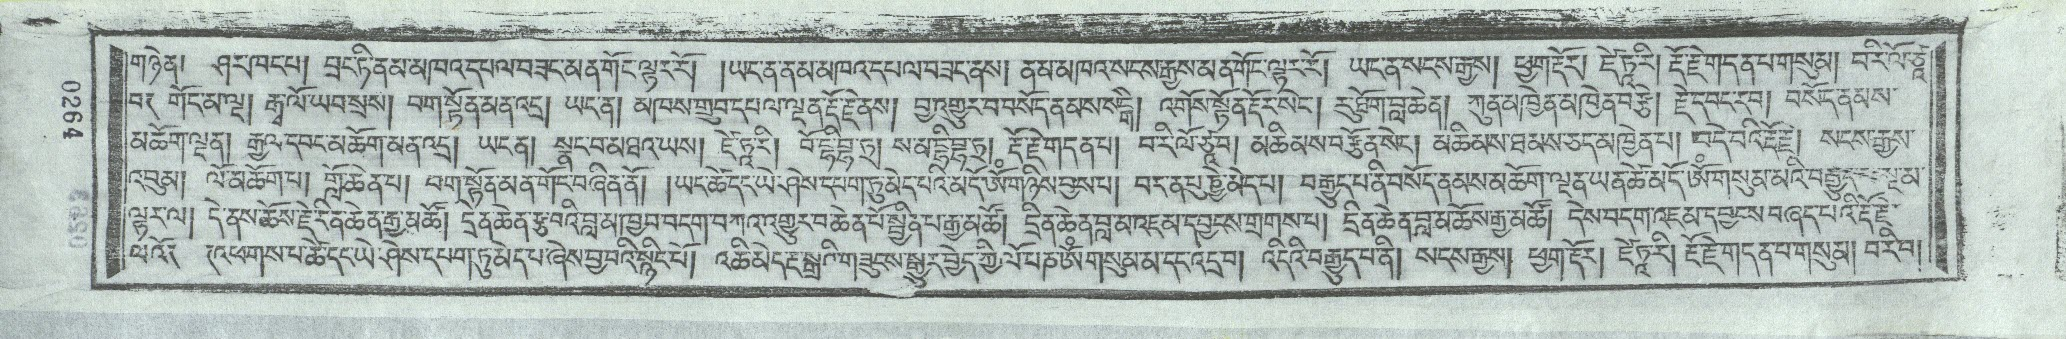གཉེན། ཤར་ཁང་པ། བྲང་ཏི་ནམ་མཁའ་དཔལ་བཟང་མན་གོང་ལྟར་རོ། །ཡང་ནམ་མཁའ་དཔལ་བཟང་ནས། ནམ་མཁའ་སངས་རྒྱས་མན་གོང་ལྟར་རོ། ཡང་ན་སངས་རྒྱས། ཕྱག་རྡོར། ཛེ་ཏཱ་རི། རྡོ་རྗེ་གདན་པ་གསུམ། བ་རི་ལོ་ཙཱ་
བ༑ གོང་མ་ལྔ། རྒྭ་ལོ་ཡབ་སྲས། བག་སྟོན་མན་འདྲ། ཡང་ན། མཁས་གྲུབ་དཔལ་ལྡན་རྡོ་རྗེ་ནས། བྱ་འགྱུར་བ་བསོད་ནམས་སེངྒེ། འགོས་སྟོན་རྡོར་སེང་། རུ་ཐོག་བླ་ཆེན། ཀུན་མཁྱེན་མཁྱེན་བརྩེ། རྗེ་དབང་རབ། བསོད་ནམས་
མཆོག་ལྡན། རྒྱལ་དབང་མཆོག་མན་འདྲ། ཡང་ན། སྣང་བ་མཐའ་ཡས། ཛེ་ཏཱ་རི། བོ་དྷི་བྷ་ཏྲ། ས་མ་དྷི་བྷ་ཏྲ། རྡོ་རྗེ་གདན་པ། བ་རི་ལོ་ཙཱ་བ། མཆིམས་བརྩོན་སེང་། མཆིམས་ཐམས་ཅད་མཁྱེན་པ། བདེ་བའི་རྡོ་རྗེ། སངས་རྒྱས་
འབུམ། ལོ་མཆོག་པ། གློ་ཆེན་པོ། བག་སྟོན་མན་གོང་བཞིན་ནོ། །ཡང་ཚེ་དང་ཡེ་ཤེས་དཔག་ཏུ་མེད་པའི་མདོ་ཨོཾ་གཉིས་བྱས་པ། བར་ན་པུཎྱེ་མེད་པ། བརྒྱུད་པ་ནི་བསོད་ནམས་མཆོག་ལྡན་ཡན་ཚེ་མདོ་ཨོཾ་གསུམ་མའི་བརྒྱུད་པ་སྔ་མ་
ལྟར་ལ། དེ་ནས་ཆོས་རྗེ་རིན་ཆེན་རྒྱ་མཚོ། དྲིན་ཆེན་རྩ་བའི་བླ་མ་ཁྱབ་པ་བདག་བཀའ་འགྱུར་བ་ཆེན་པོ་སྦྱིན་པ་རྒྱ་མཚོ། དྲིན་ཆེན་བླ་མ་འཇམ་དབྱངས་གྲགས་པ། དྲིན་ཆེན་བླ་མ་ཆོས་རྒྱ་མཚོ། དེས་བདག་འཇམ་དབྱངས་བཞད་པའི་རྡོ་རྗེ་
ལའོཿ ༑འཕགས་པ་ཚེ་དང་ཡེ་ཤེས་དཔག་ཏུ་མེད་པ་ཞེས་བྱ་བའི་སྙིང་པོ། འཆི་མེད་རྔ་སྒྲའི་གཟུངས་སྒྱུར་བྱེད་ཀྱི་ལོ་པཎ་ཨོཾ་གསུམ་མ་དང་འདྲ་བ། འདིའི་བརྒྱུད་པ་ནི། སངས་རྒྱས། ཕྱག་རྡོར། ཛེ་ཏཱ་ཏི། རྡོ་རྗེ་གདན་པ་གསུམ། བ་རི་བ།